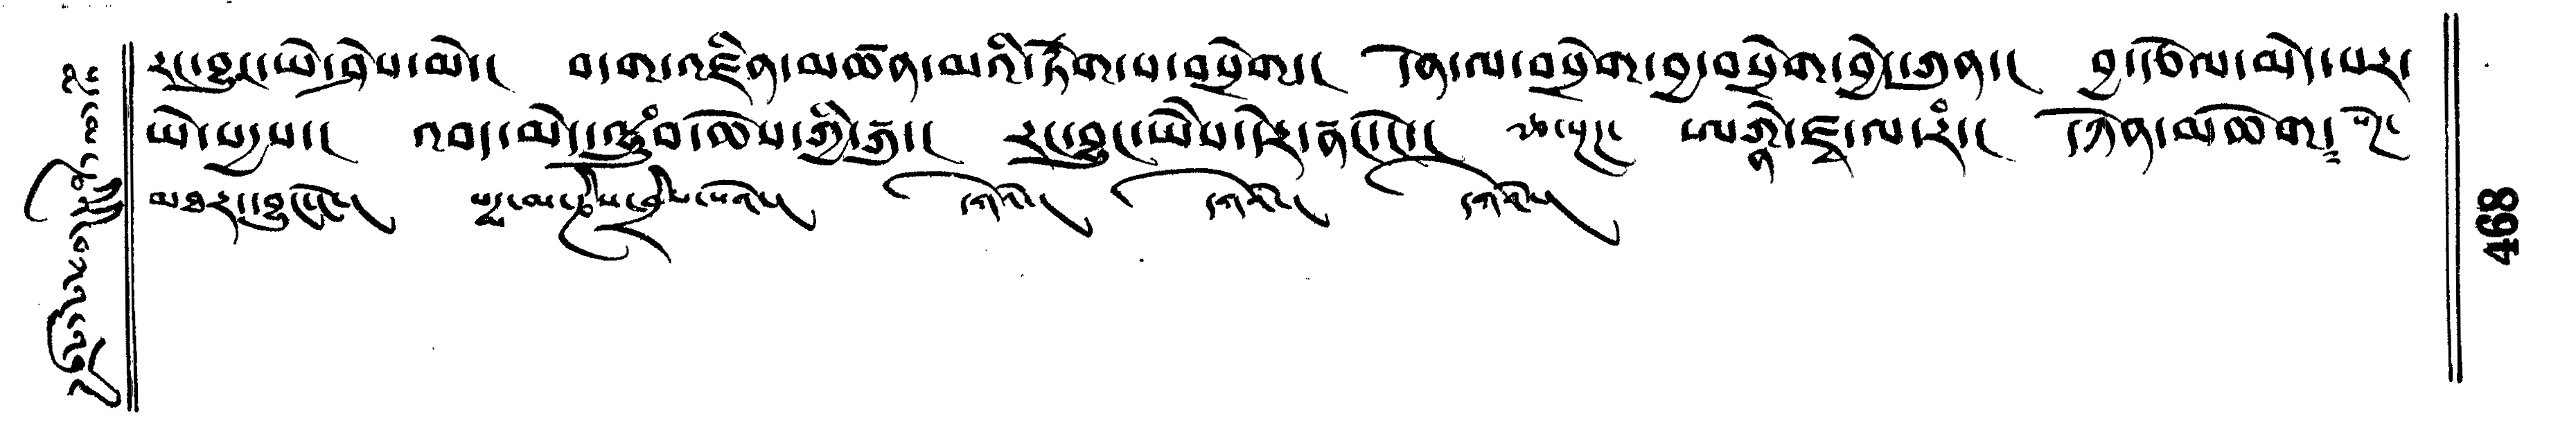རང་བྱུང་ཡེ་ཤེས་མེ། །བདག་འཛིན་མཚན་མའི་རྟོག་པ་བསྲེག །དོན་ལ་སྲེག་བྱ་བསྲེག་བྱེད་ཀུན། །བྱ་རྩོལ་མེད་པར་
ཡེ་སངས་རྒྱས། །འབད་མེད་ལྷུན་གྲུབ་ཆོས་ཀྱི་སྐུ། །རང་བྱུང་ཡེ་ཤེས་དེར་སྣང་ངོ་། རྩ་སྔགས། ཨགྣེ་ཛྭ་ལ་རཾ། དཀོན་མཆོག༴ སོགས་
མཐར་དབྱུང་ངོ་། པདྨ་མ་ཎིས་བྲིས་པའོ།། དགེའོ། དགེའོ། དགེའོ།